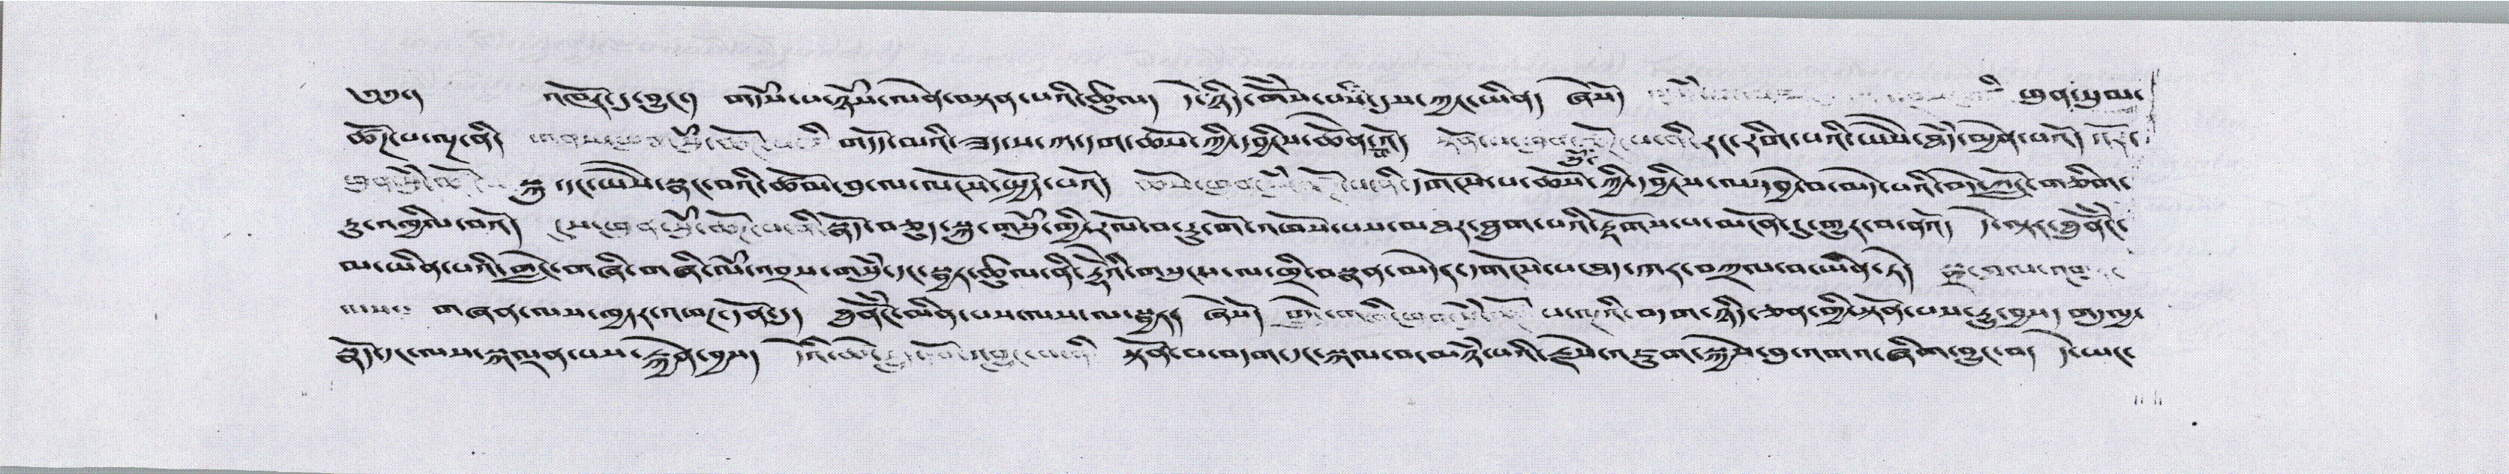འཁོར་དུ་བྱུང། གདམས་པ་ཉམས་ལེན་བསྟན་པའི་ཚུལ། དེ་ཉིད་གོམས་པས་དུས་ཀྱང་ཡིན། ཞེས་སོ། ༼་་་་་་་་་་་་་་་་་་་་་་་་་༽ཕུན་སུམ་
ཚོགས་པ་ལྔ་ནི། གནས་ཕུན་སུམ་ཚོགས་པ་ནི་གདོད་མའི་ཟད་པ་ཀ་དག་ཆོས་ཀྱི་དབྱིངས་ཆེན་པོའོ། སྟོན་པ་ཕུན་སུམ་ཚོགས་པ་ནི་རང་རིག་པའི་ཡེ་ཤེས་ཐམས་ཅད་མཁྱེན་པའོ། འཁོར་
ཕུན་སུམ་ཚོགས་པ་སྐུ་དང་ཡེ་ཤེས་སྣང་བའི་ཚོམ་བུ་ལ་ལོངས་སྤྱོད་པའོ། ཆོས་ཕུན་སུམ་ཚོགས་པ་ནི་དགོངས་པ་ཆོས་ཀྱི་དབྱིངས་ལ་དབྱེ་བ་མེད་པའི་བདེ་ཀློང་གཅིག་
ཏུ་འཁྱིལ་བའོ། དུས་ཕུན་སུམ་ཚོགས་པ་ནི་སྣོད་བཅུད་སྐུ་གསུམ་གྱི་རོལ་བ་རུ་གོ་འཕོས་པས་མཐར་ཐུག་པའི་རྟོགས་པ་མངོན་དུ་གྱུར་བ་ནའོ། དེ་ལྟར་ཐུན་མོང་
མ་ཡིན་པའི་གླེང་གཞི་གཞི་ལམ་འབྲས་གསུམ་དང་སྦྱར་ཚུལ་ནི་རྡོ་རྗེའི་གསུངས་ལ་གྲི་བསྣན་མེད་པར་དགོངས་པ་ཐད་ཀར་བཀྲལ་བ་ཡིན་ཏེ། སྒྲ་ཐལ་འགྱུར་
ལས། གཞན་ལས་ཁྱད་པར་འཕགས་དོན་དུ། ཐུན་མོངས་མིན་པས་ལས་ལ་སྦྱར། ཞེས་སོ། གླེང་གཞི་ཕུན་སུམ་ཚོགས་པ་ལྔའི་བདག་ཉིད་ཅན་གྱི་སྟོན་པས་རྒྱུ་བྱས། གདུལ་བྱ་
སྣོད་དང་ལས་སྐལ་ལྡན་པས་རྐྱེན་བྱས། དེའི་ཚེ་རྒྱུད་དོལ་འབྱུང་བ་ནི། སྟོན་པ་བདག་དང་སྐལ་བ་མཉམ་པའི་རྗེས་འཇུག་སྐྱེས་བུ་འགའ་ཞིག་བྱུང་བ། དེ་ཡང་